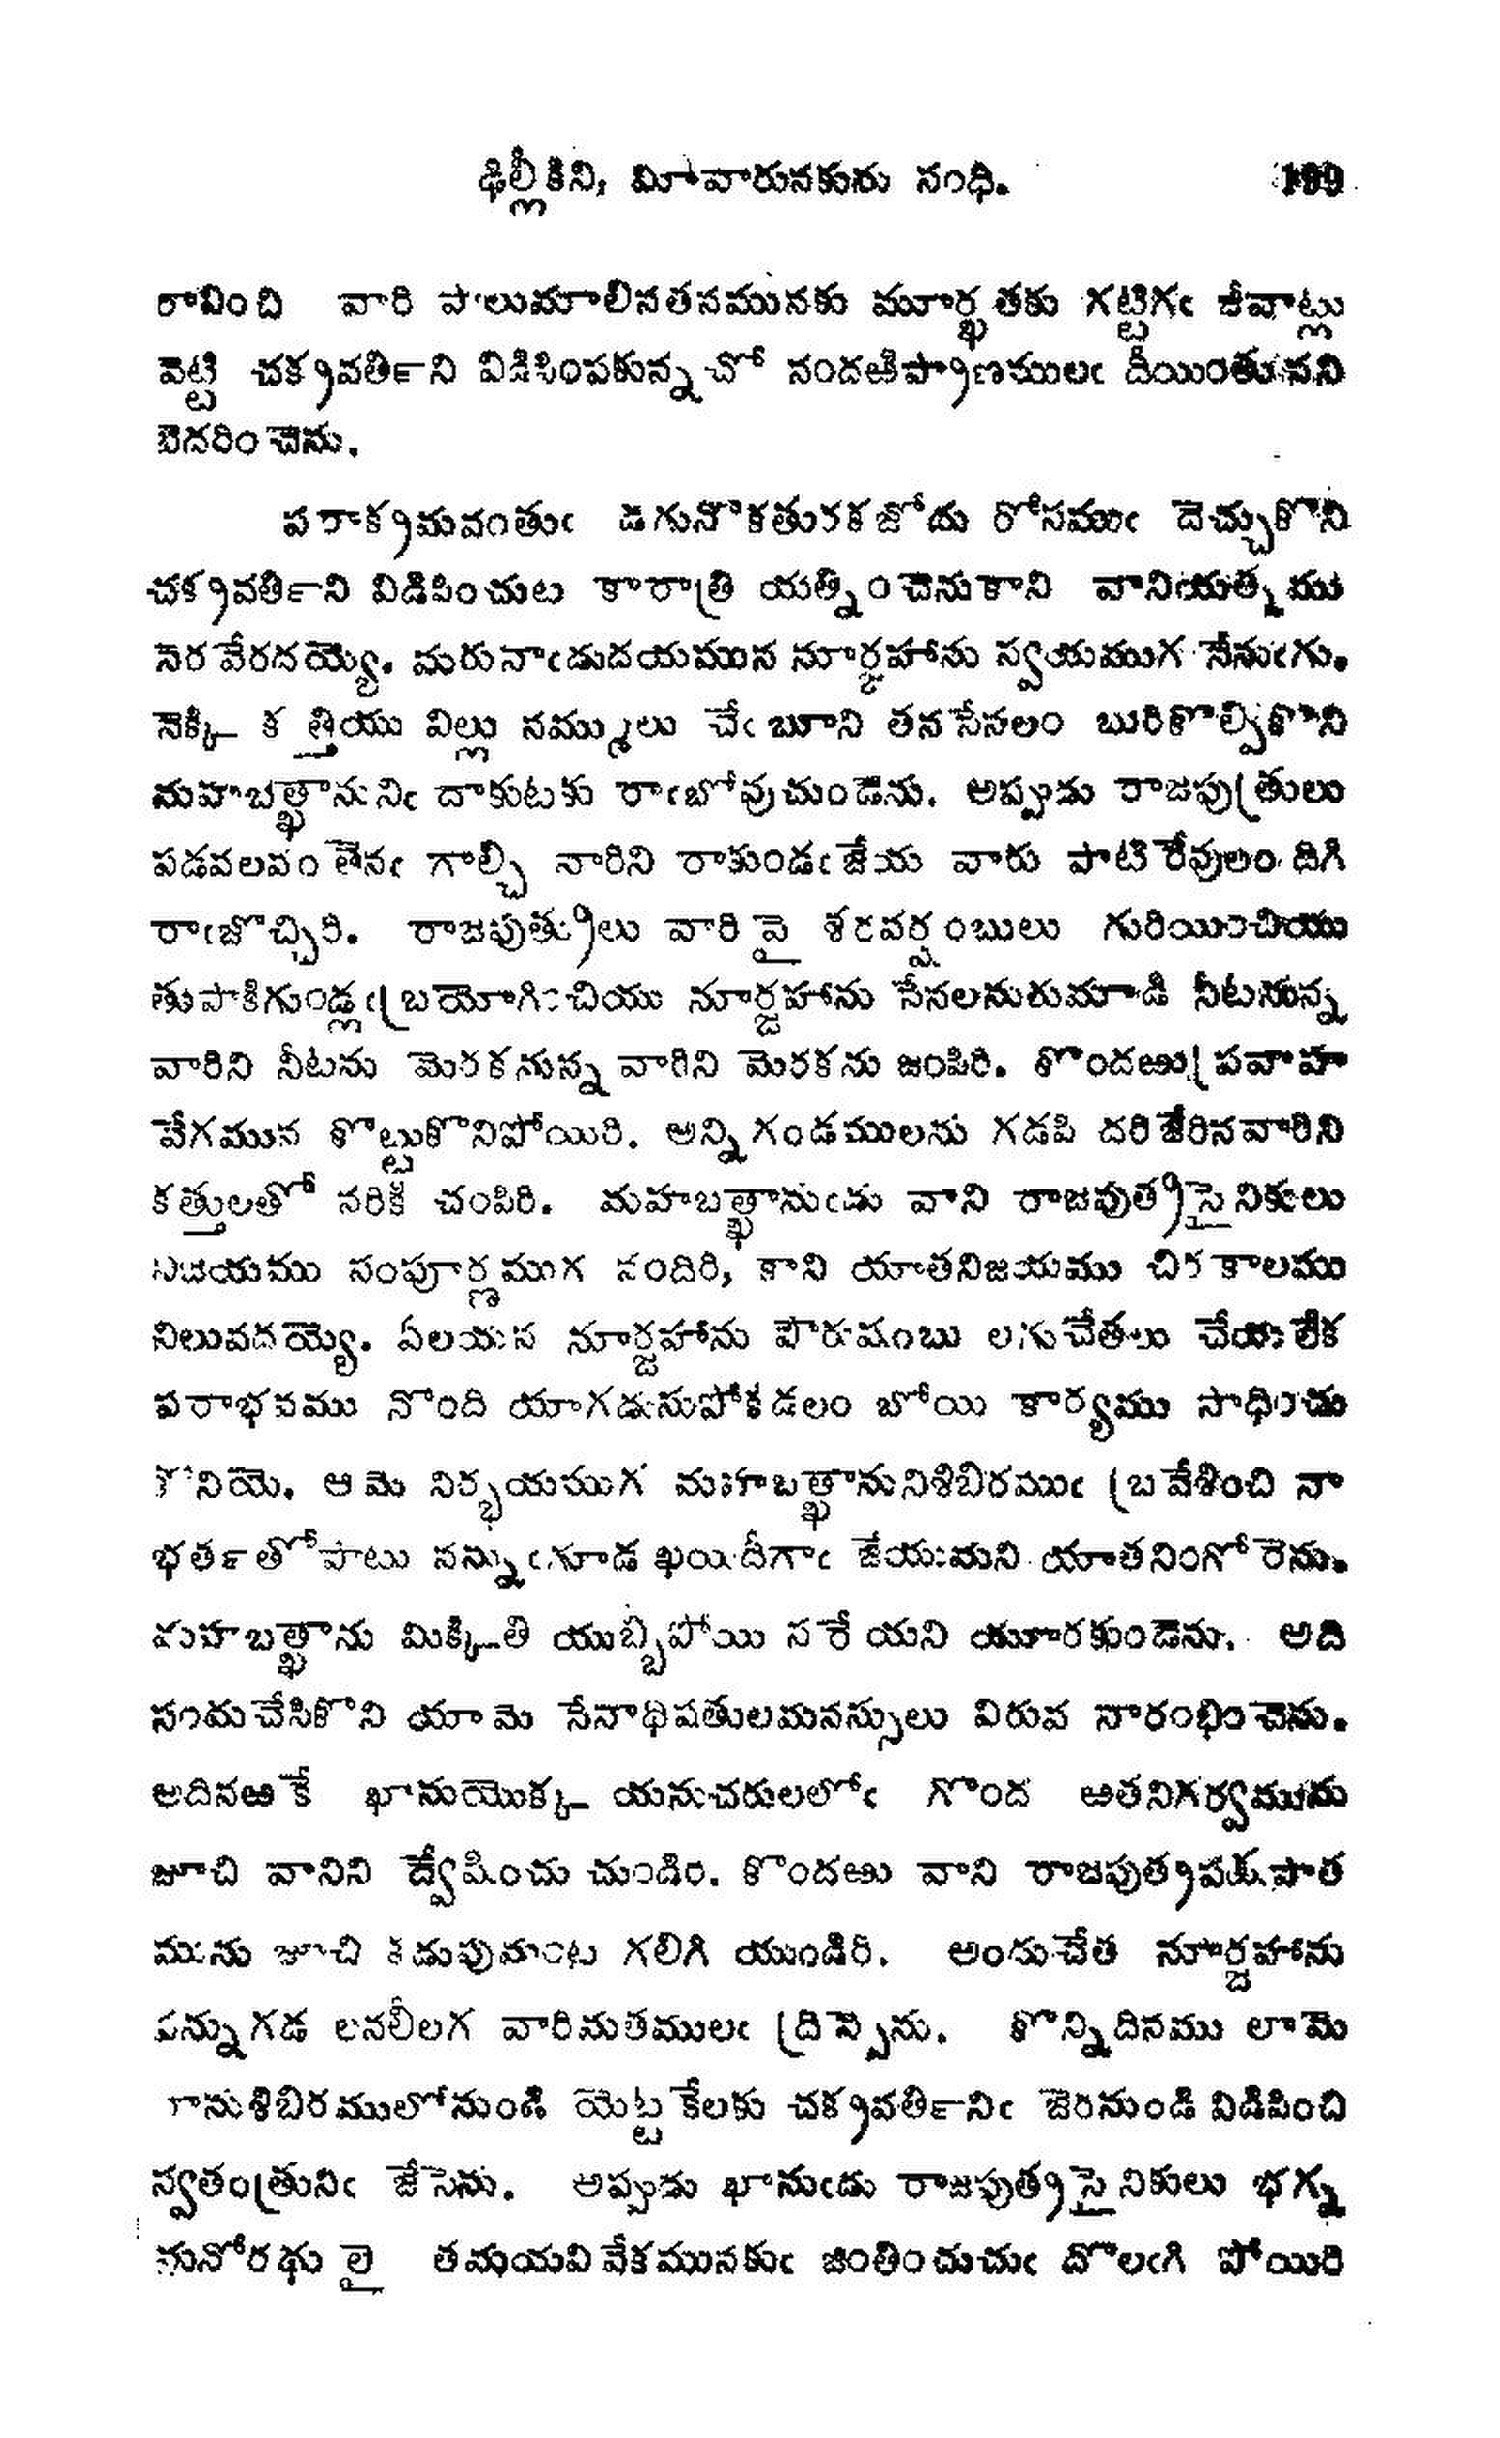రావించి వారి పాలుమాలినతనమునకు మూర్ఖతకు గట్టిగఁ జీవాట్లు పెట్టి చక్రవతి౯ని విడిపింపకున్నచో నందఱి ప్రాణములఁ దీయింతునని
బెదరించెను.

ఏలయన పరాక్రమవంతుఁ డగునొకతునక జోదు రోసముఁ దెచ్చుకొని చక్రవతి౯ని విడిపించుట కారాత్రి యత్నించెనుకాని వానియత్నము
నెరవేరదయ్యె. మరునాఁడుదయమున నూర్జహాను స్వయముగ నేనుఁగు.నెక్కి కత్తియు విల్లు నమ్ములు చేఁబూని తన సేనలం బురికొల్పికోని
మహబత్ఖానునిఁ దాకుటకు రాఁబోవుచుండెను. అప్పుడు రాజపుత్రులు పడవలవంతెనఁ గాల్చి వారిని రాకుండఁజేయ వారు పాటి రేవులం దిగి
రాఁజొచ్చిరి. రాజపుత్రులు వారిపై శరవర్షంబులు గురియించియు తుపాకి గుండ్ల బ్రయోగించియు నూర్జహాను సేనలనురుమాడి నీటనున్న
వారిని నీటను మెరకనున్న వారిని మెరకను జంపిరి. కొండఱు ప్రవాహవేగమున కొట్టుకొని పోయిరి. అన్ని గండములను గడపి దరిజేరిన వారిని కత్తులతో నరికి చంపిరి. మహబత్ఖానుఁడు వాని రాజపుత్ర సైనికులు విజయము సంపూర్ణముగ నందిరి, గాని యాతనిజయము చిరకాలము నిలువదయ్యె. ఏలయన నూర్జహాను పౌరుషంబు లగుచేతలు చేయలేక పరాభవము నోంది యాగడుసుపోకడలం బోయి కార్యము సాధించు
కోనియె. ఆమె నిర్భయముగ మహబత్ఖాను నిశిబిరముఁ బ్రవేశించి నా భత౯ తో పాటు నన్ను గూడ ఖయిదీగాఁ జేయుమని యూతనింగోరెను.
మహబత్ఖాను ను మిక్కిలి యుబ్బిపోయి సరేయని యూరకుండెను. అది సందు చేసికొని యామె నేనాథిపతులమనస్సులు విరువ నారంభించెను. అదివఱకే ఖానుయొక్క యనుచరులలోఁ గొంద ఱతనిగర్వమును జూచి వానిని ద్వేషించు చుండిరి. కొందఱు వాని రాజపుత్ర పక్షపాతమును జూచి కడుపుమంట గలిగి యుండిరి.అందుచేత సూర్జహాను పన్ను గడ లవలీలగ వారిమతములఁ ద్రిప్పెను. కొన్ని దినము లామె తాను శిబిరములోనుండి యెట్టకేలకు చక్రవతి౯నిఁ జెరనుండి విడిపించి స్వతంత్రునిఁ జేసెను. అప్పుడు ఖానుఁడు రాజపుత్ర సైనికులు భగ్న మనోరథులై తమయవివేకమునకుఁ జింతించుచుఁ దొలఁగి పోయిరి